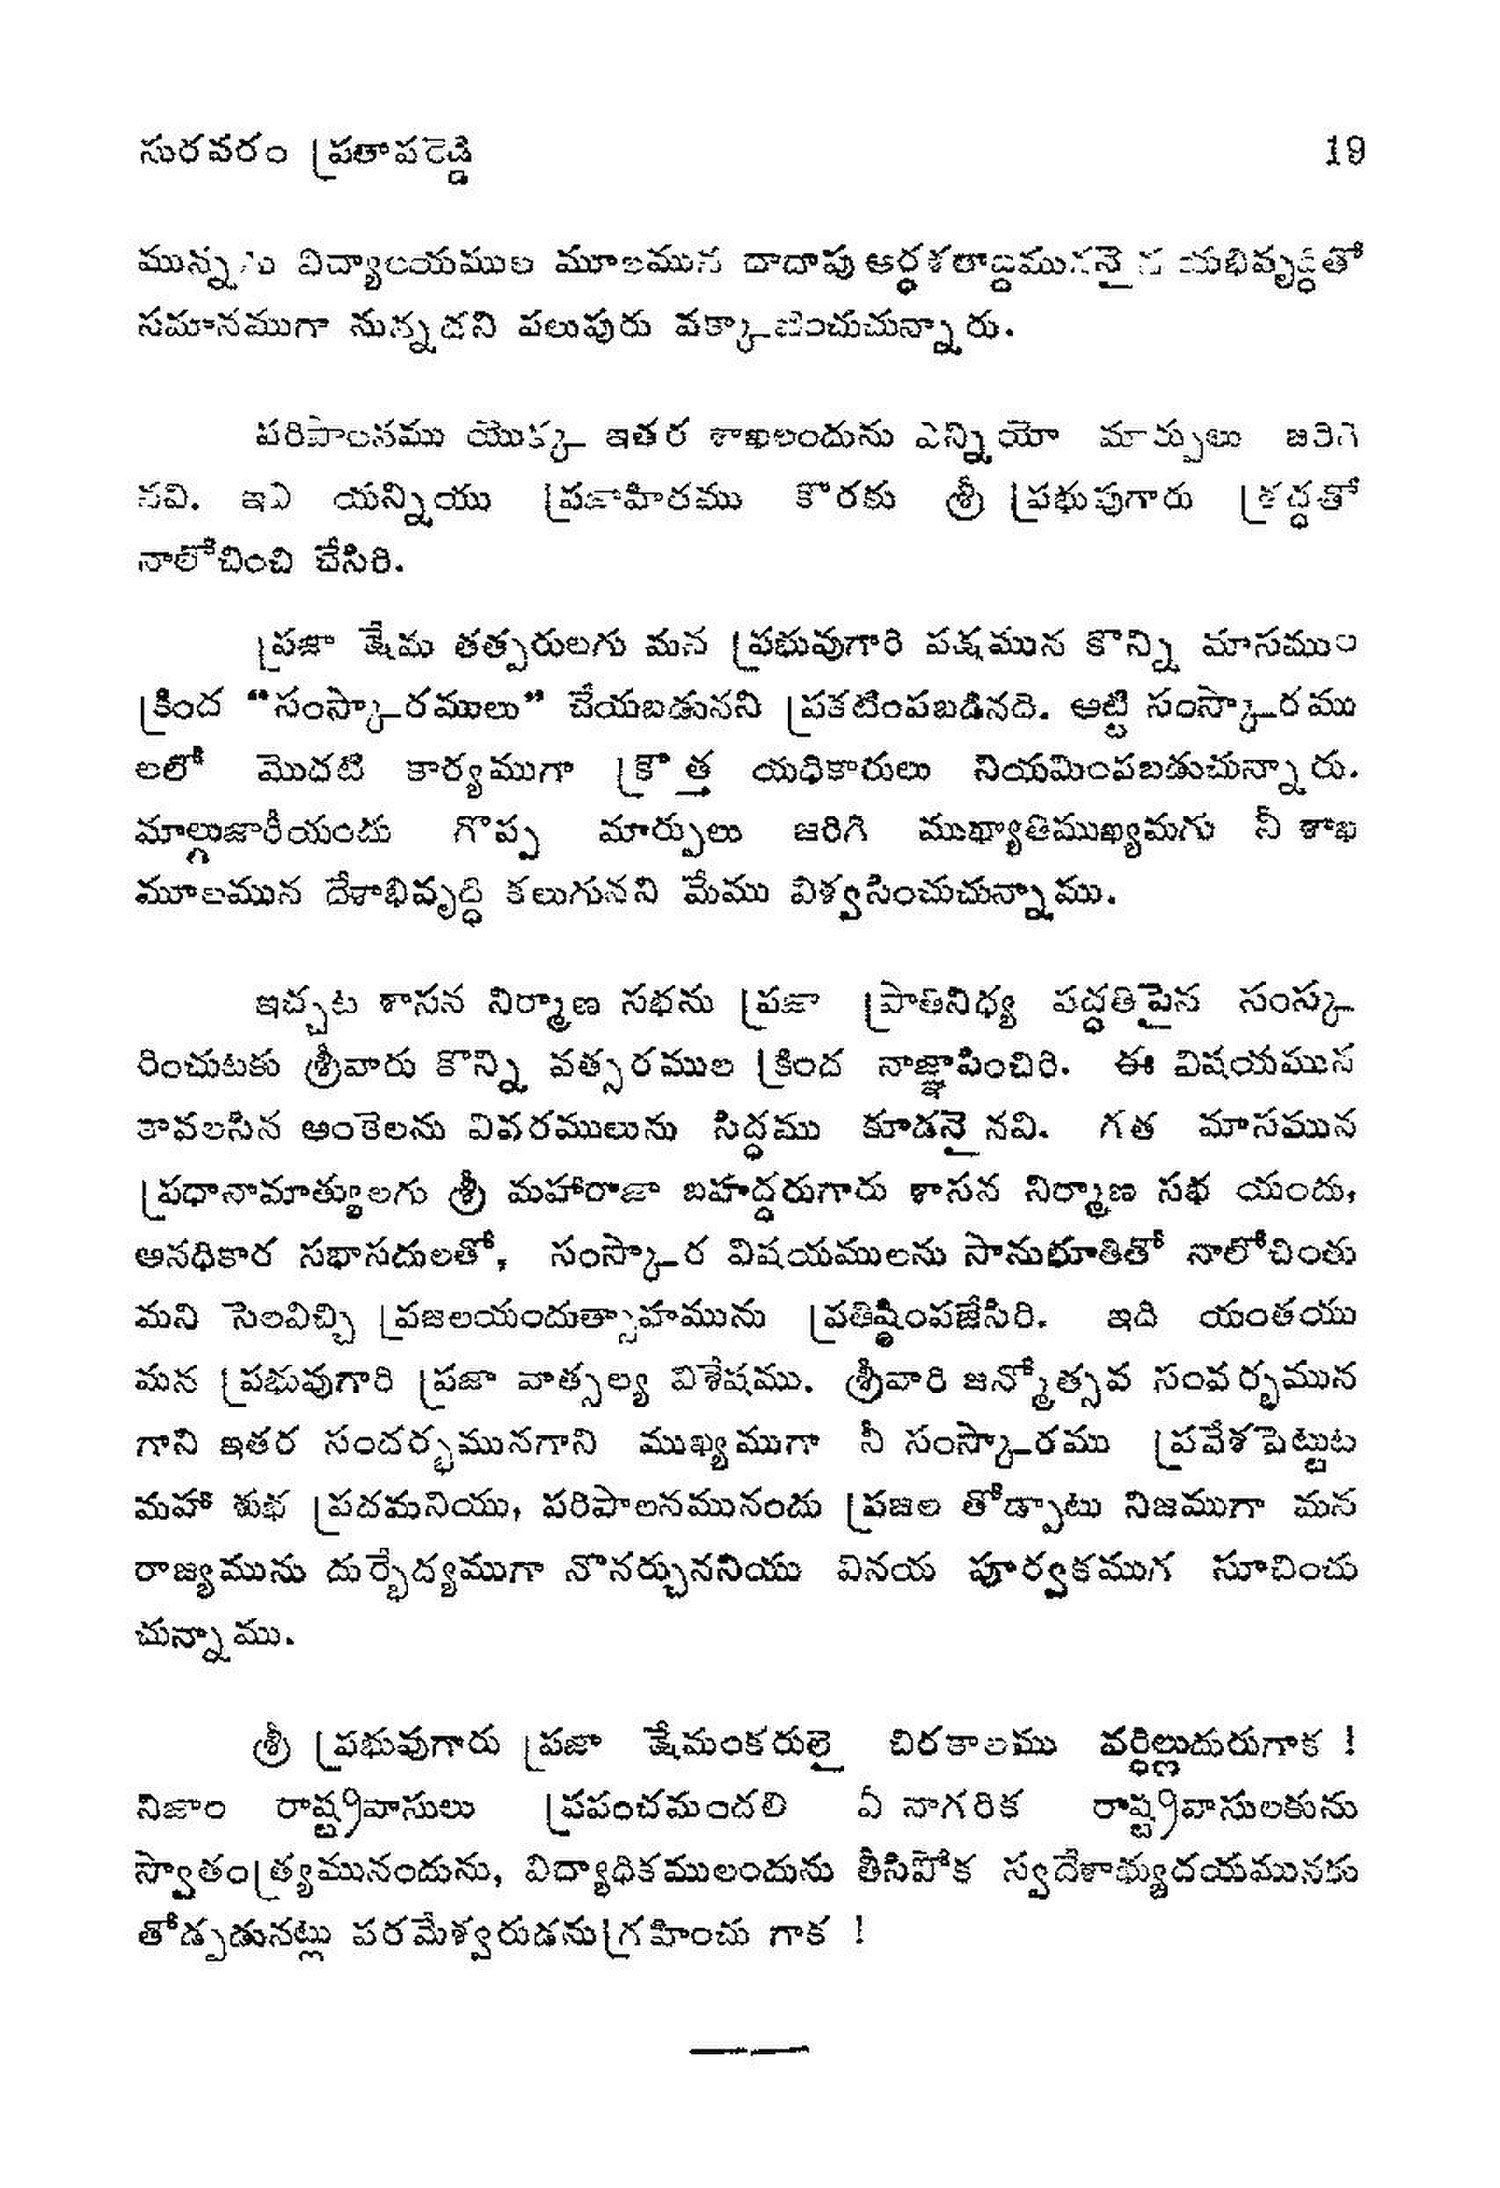మున్నగు విద్యాలయముల మూలమున దాదాపు అర్ధశతాబ్దముననైన యభివృద్ధితో సమానముగా నున్నదని పలువురు వక్కాణించుచున్నారు.

పరిపాలనము యొక్క ఇతర శాఖలందును ఎన్నియో మార్పులు జరిగినవి. ఇవి యన్నియు ప్రజాహితము కొరకు శ్రీ ప్రభువుగారు శ్రద్ధతో నాలోచించి చేసిరి.

ప్రజా క్షేమ తత్పరులగు మన ప్రభువుగారి పక్షమున కొన్ని మాసముల క్రింద “సంస్కారములు" చేయబడునని ప్రకటింపబడినది. అట్టి సంస్కారములలో మొదటి కార్యముగా క్రొత్త యధికారులు నియమింపబడుచున్నారు.
మాల్గుజారీయందు గొప్ప మార్పులు జరిగి ముఖ్యాతిముఖ్యమగు నీ శాఖ మూలమున దేశాభివృద్ధి కలుగునని మేము విశ్వసించుచున్నాము.

ఇచ్చట శాసన నిర్మాణ సభను ప్రజా ప్రాతినిధ్య పద్ధతిపైన సంస్కరించుటకు శ్రీవారు కొన్ని వత్సరముల క్రింద నాజ్ఞాపించిరి. ఈ విషయమున కావలసిన అంకెలను వివరములును సిద్ధము కూడనై నవి. గత మాసమున
ప్రధానామాత్యులగు శ్రీ మహారాజా బహద్దరుగారు శాసన నిర్మాణ సభ యందు, అనధికార సభాసదులతో, సంస్కార విషయములను సానుభూతితో నాలోచింతుమని సెలవిచ్చి ప్రజలయందుత్సాహమును ప్రతిష్ఠింపజేసిరి. ఇది యంతయు మన ప్రభువుగారి ప్రజా వాత్సల్య విశేషము. శ్రీవారి జన్మోత్సవ సందర్భమున గాని ఇతర సందర్భమునగాని ముఖ్యముగా నీ సంస్కారము ప్రవేశపెట్టుట మహా శుభ ప్రదమనియు, పరిపాలనమునందు ప్రజల తోడ్పాటు నిజముగా మనరాజ్యమును దుర్భేద్యముగా నొనర్చుననియు వినయ పూర్వకముగ సూచించు
చున్నాము.

శ్రీ ప్రభువుగారు ప్రజా క్షేమంకరులై చిరకాలము వర్ధిల్లుదురుగాక ! నిజాం రాష్ట్రవాసులు ప్రపంచమందలి ఏ నాగరిక
రాష్ట్రవాసులకును స్వాతంత్ర్యమునందును, విద్యాధికములందును తీసిపోక స్వదేశాభ్యుదయమునకు
తోడ్పడునట్లు పరమేశ్వరుడనుగ్రహించు గాక !